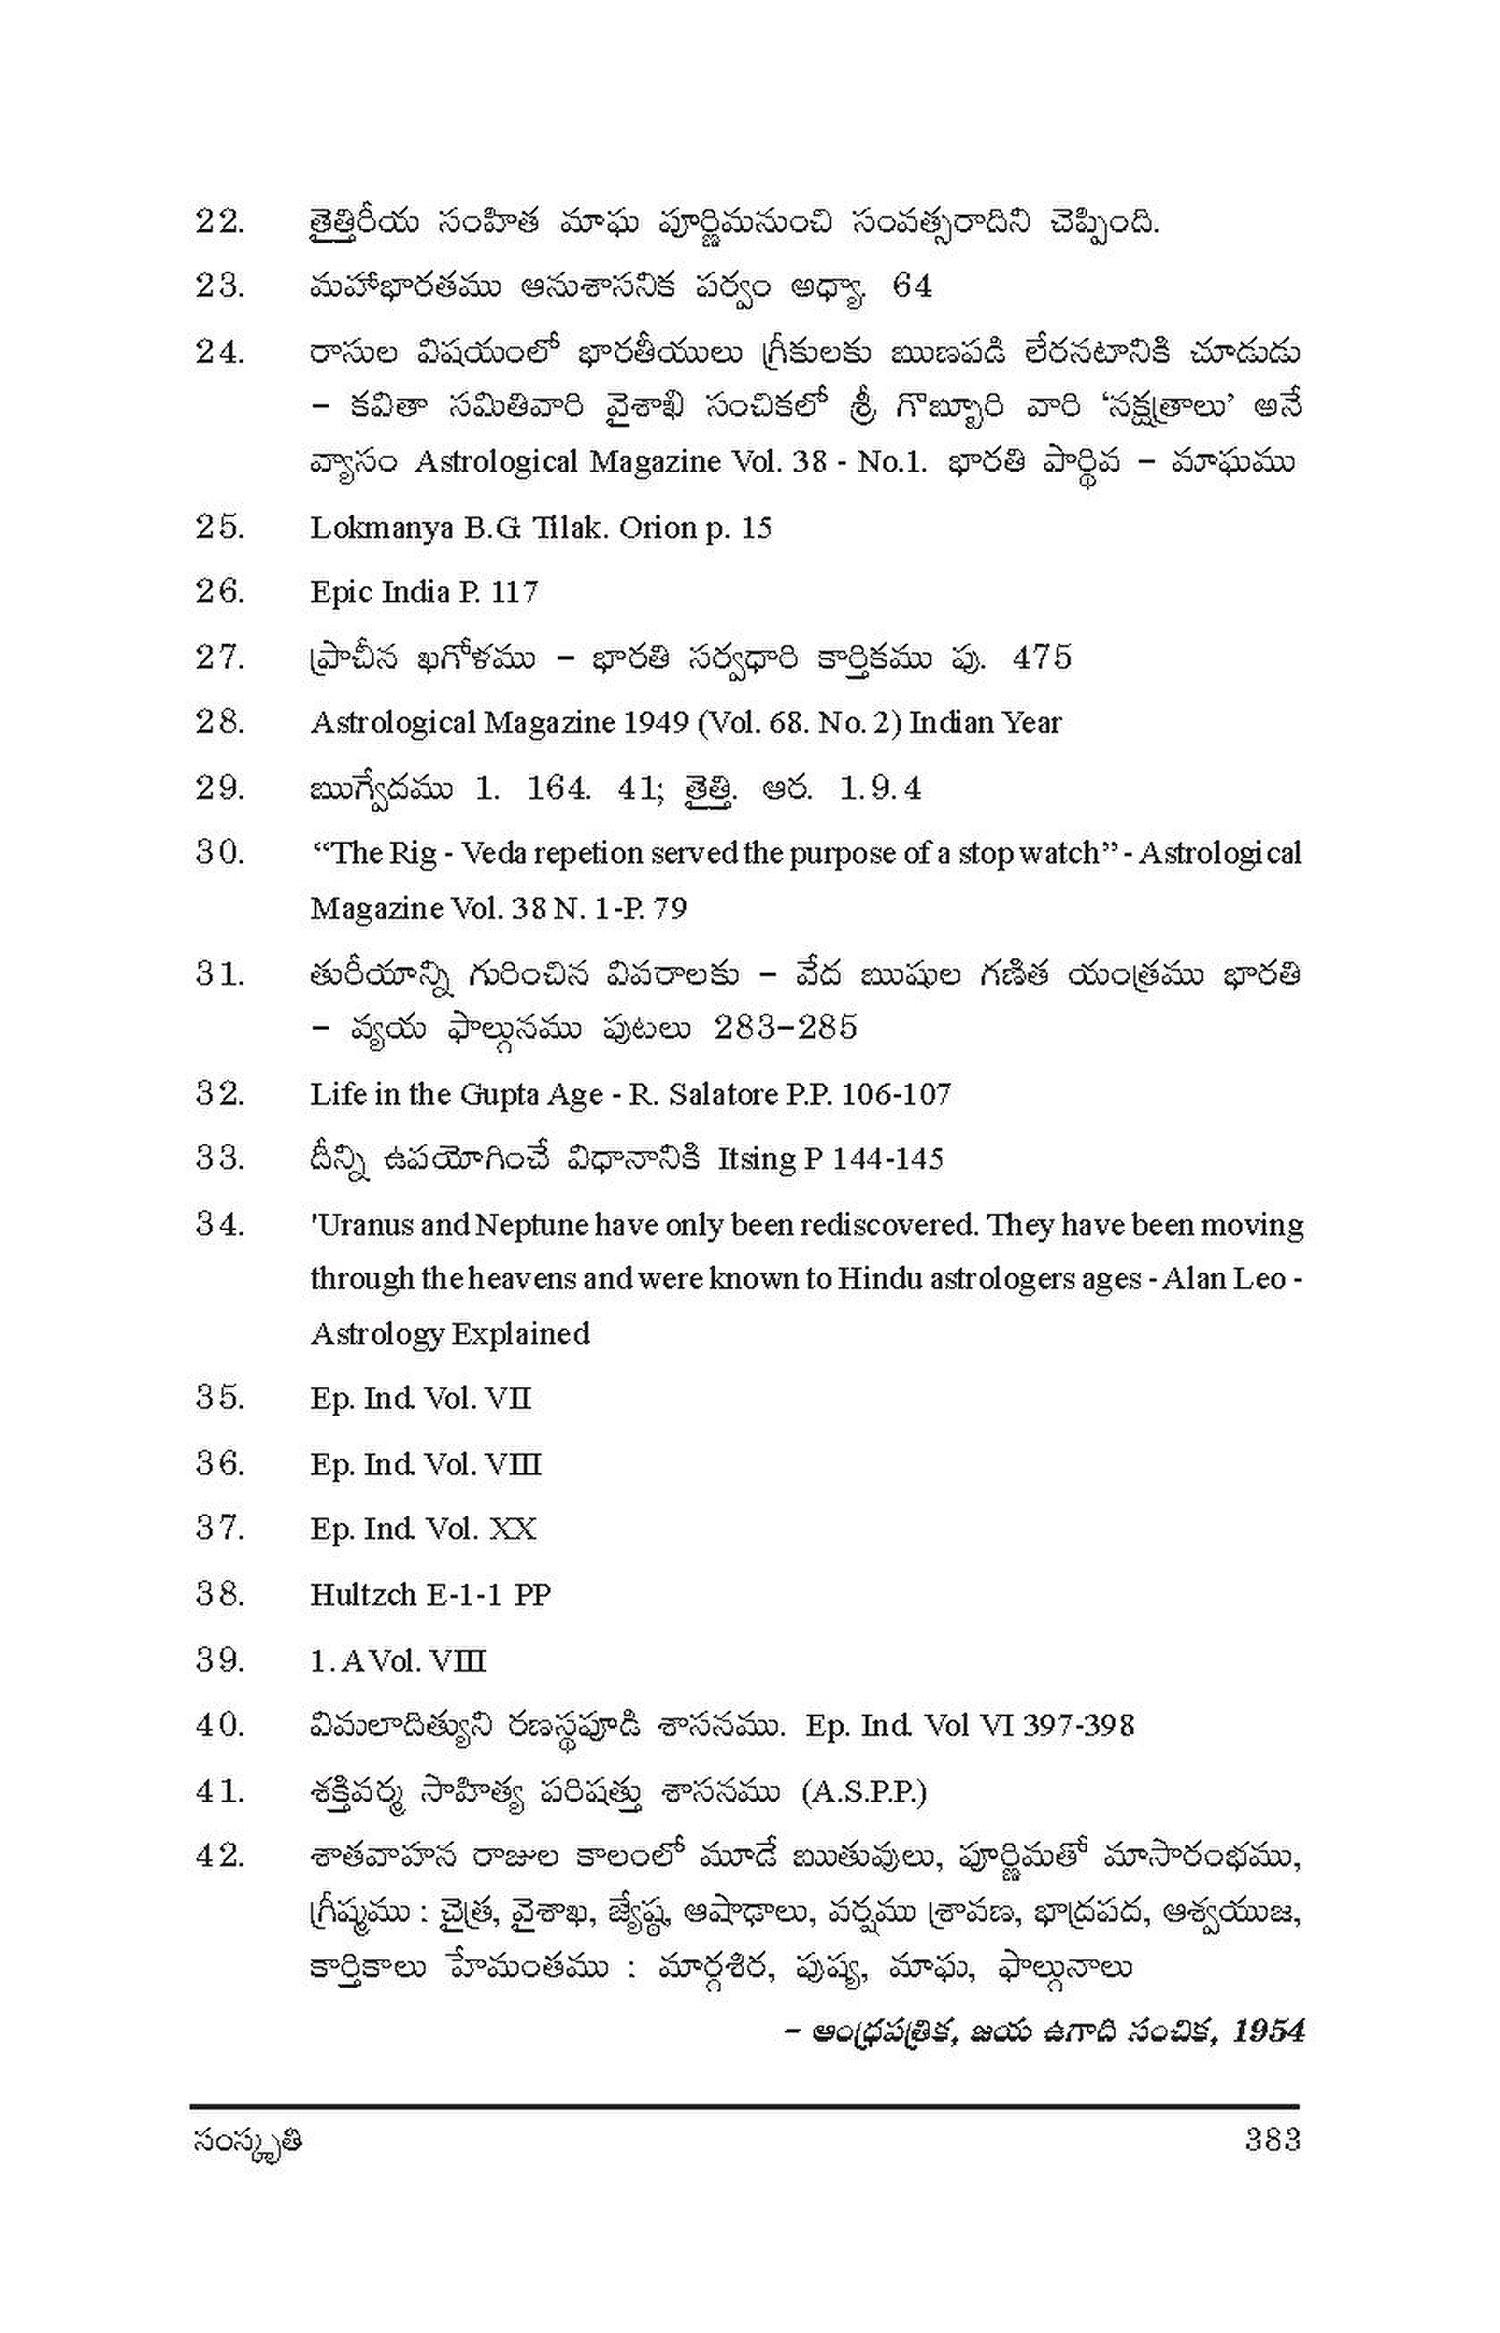22.
తైత్తిరీయ సంహిత మాఘ పూర్ణిమనుంచి సంవత్సరాదిని చెప్పింది. 

23.
మహాభారతము ఆనుశాసనిక పర్వం అధ్యా. 64

24. రాసులు విషయంలో భారతీయులు గ్రీకులకు ఋణపడి లేరనటానికి చూడుడు
- కవితా సమితివారి వైశాఖి సంచికలో శ్రీ గొబ్బూరి వారి 'నక్షత్రాలు' అనే
వ్యాసం Astrological Magazine Vol. 38 - No. 1. భారతి పార్థివ - మాఘము

25.Lokmanya B.G Tilak. Orion p. 15

26. Epic India P. 117
 
27.ప్రాచీన ఖగోళము – భారతి సర్వధారి కార్తికము పు. 475

28. Astrological Magazine 1949 (Vol. 68. No. 2) Indian Year

29. ఋగ్వేదము 1. 164. 41; తైత్తి. ఆర. 1.9.4

30. "The Rig - Veda repetion served the purpose of a stop watch" - Astrological
Magazine Vol. 38 N. 1 - P. 79

31. తురీయాన్ని గురించిన వివరాలకు - వేద ఋషుల గణిత యంత్రము భారతి
వ్యయ ఫాల్గునము పుటలు 283-285

32. Life in the Gupta Age - R. Salatore P.P. 106-107

33. దీన్ని ఉపయోగించే విధానానికి Itsing P 144-145

34. 'Uranus and Neptune have only been rediscovered. They have been moving
through the heavens and were known to Hindu astrologers ages - Alan Leo -
Astrology Explained

35. Ep. Ind. Vol. VII

36. Ep. Ind. Vol. VIII

37. Ep. Ind. Vol. XX

38. Hultzch E-1-1 PP

39. 1. A Vol. VIII

40. విమలాదిత్యుని రణస్థపూడి శాసనము. Ep. Ind. Vol VI 397-398

41.శక్తివర్మ సాహిత్య పరిషత్తు శాసనము (A.S.P.P.)

42. శాతవాహన రాజుల కాలంలో మూడే ఋతువులు, పూర్ణిమతో మాసారంభము,
గ్రీష్మము : చైత్ర, వైశాఖ, జ్యేష్ఠ, ఆషాఢాలు, వర్షము శ్రావణ, భాద్రపద, ఆశ్వయుజ,
కార్తికాలు హేమంతము : మార్గశిర, పుష్య, మాఘ, ఫాల్గునాలు